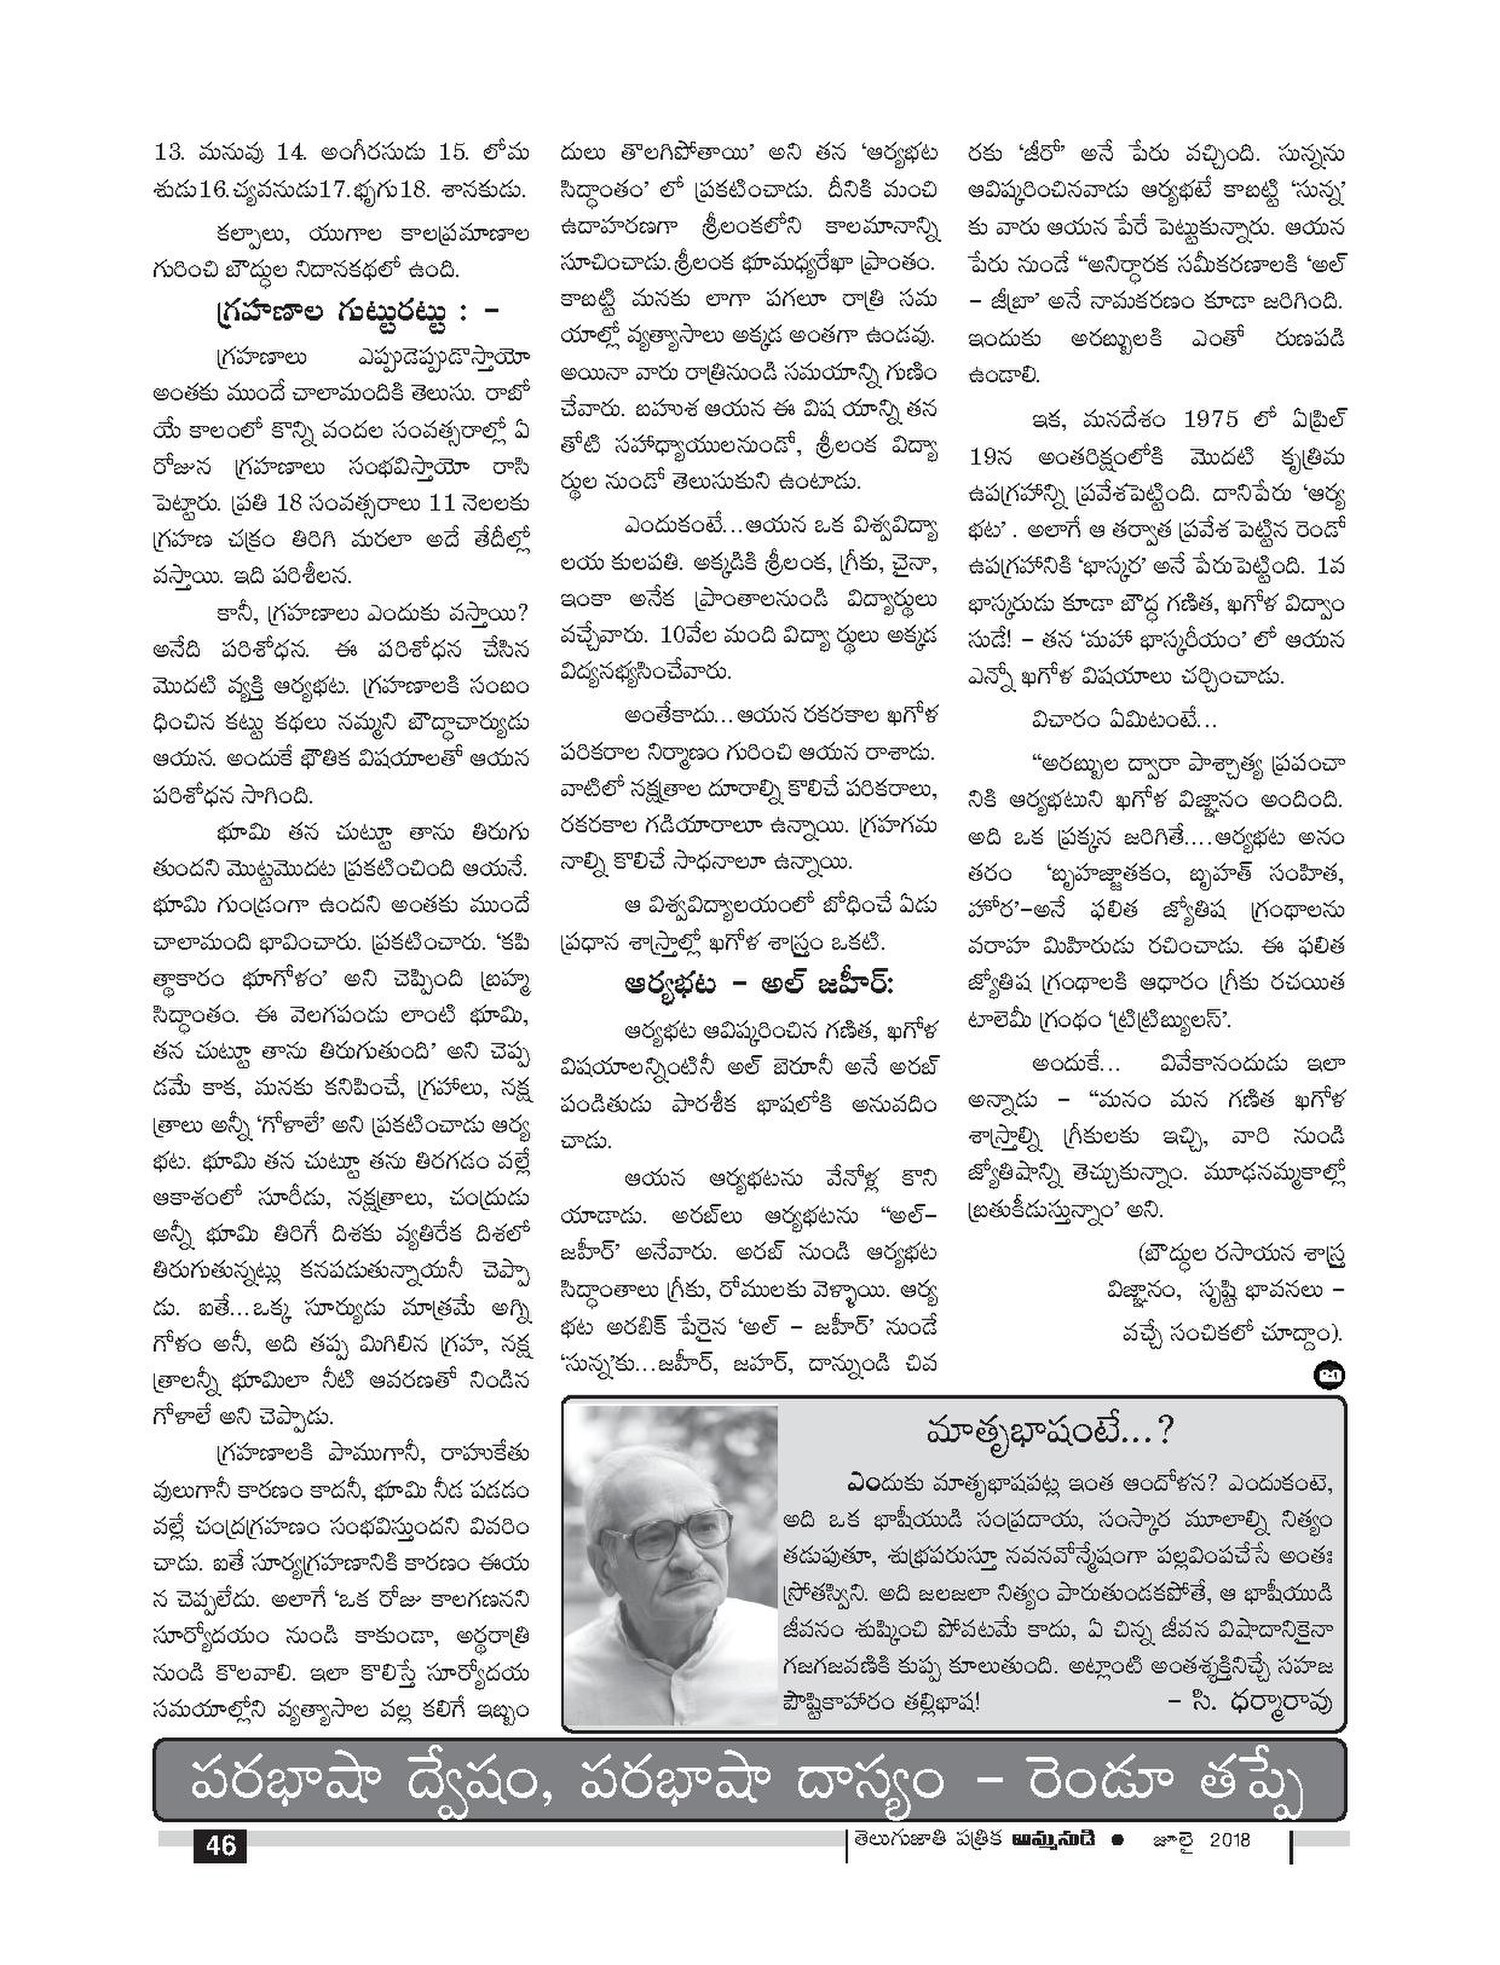13. మనువు 14. అంగీరసుడు 15. లోమశుడు 16. చ్యవనుడు 17. భృగు 18. శానకుడు.

కల్పాలు, యుగాల కాలప్రమాణాల గురించి బౌద్దుల నిదానకథలో ఉంది.

గ్రహణాల గుట్టురట్టు : -

గ్రహణాలు ఎప్పుడెప్పుడొస్తాయో అంతకు ముందే చాలామందికి తెలుసు. రాబోయే కాలంలో కొన్ని వందల సంవత్సరాల్లో ఏ రోజున గ్రహణాలు సంభవిస్తాయో రాసి పెట్టారు. ప్రతి 18 సంవత్సరాలు 11 నెలలకు గ్రహణ చక్రం తిరిగి మరలా అదే తేదీల్లో వస్తాయి. ఇది పరిశీలన.

కానీ, గ్రహణాలు ఎందుకు వస్తాయి? అనేది పరిశోధన ఈ పరిశోధన చేసిన మొదటి వ్యక్తి ఆర్యభట. గ్రహణాలకి సంబంధించిన కట్టు కథలు నమ్మని బౌద్ధాచార్యుడు ఆయన. అందుకే భౌతిక విషయాలతో ఆయన పరిశోధన సాగింది.

భూమి తన చుట్టూ తాను తిరుగుతుందని మొట్టమొదట ప్రకటించింది ఆయనే. భూమి గుండ్రంగా ఉందని అంతకు ముందే చాలామంది భావించారు. ప్రకటించారు. 'కపిత్థాకారం భూగోళం' అని చెప్పింది బ్రహ్మ సిద్ధాంతం. ఈ వెలగపండు లాంటి భూమి, తన చుట్టూ తాను తిరుగుతుంది' అని చెప్పడమే కాక, మనకు కనిపించే, గ్రహాలు, నక్షత్రాలు అన్నీ 'గోళాలే' అని ప్రకటించాడు ఆర్య భట. భూమి తన చుట్టూ తను తిరగడం వల్లే ఆకాశంలో సూరీడు, నక్షత్రాలు, చంద్రుడు అన్నీ భూమి తిరిగే దిశకు వ్యతిరేక దిశలో తిరుగుతున్నట్లు కనపడుతున్నాయనీ చెప్పాడు. ఐతే...ఒక్క సూర్యుడు మాత్రమే అగ్ని గోళం అనీ అది తప్ప మిగిలిన గ్రహ, నక్షత్రాలన్నీ భూమిలా నీటి ఆవరణతో నిండిన గోళాలే అని చెప్పాడు.

గ్రహణాలకి పాముగానీ, రాహుకేతువులుగానీ కారణం కాదనీ, భూమి నీడ పడడం వల్లే చంద్రగ్రహణం సంభవిస్తుందని వివరించాడు. ఐతే సూర్యగ్రహణానికి కారణం ఈయన చెప్పలేదు. అలాగే 'ఒక రోజు కాలగణనని సూర్యోదయం నుండి కాకుండా, అర్థరాత్రి నుండి కొలవాలి. ఇలా కొలిస్తే సూర్యోదయ
సమయాల్లోని వ్యత్యాసాల వల్ల కలిగే ఇబ్బందులు తొలగిపోతాయి' అని తన 'ఆర్యభట సిద్ధాంతం' లో ప్రకటించాడు. దీనికి మంచి ఉదాహరణగా శ్రీలంకలోని కాలమానాన్ని సూచించాడు. శ్రీలంక భూమధ్యరేఖా ప్రాంతం. కాబట్టి మనకు లాగా పగలూ రాత్రి సమయాల్లో వ్యత్యాసాలు అక్కడ అంతగా ఉండవు. అయినా వారు రాత్రినుండి సమయాన్ని గుణించేవారు. బహుశ ఆయన ఈ విష యాన్ని తన
తోటి సహాధ్యాయులనుండో, శ్రీలంక విద్యార్థుల నుండో తెలుసుకుని ఉంటాడు.

ఎందుకంటే... ఆయన ఒక విశ్వవిద్యాలయ కులపతి. అక్కడికి శ్రీలంక, గ్రీకు, చైనా, ఇంకా అనేక [ప్రాంతాలనుండి విద్యార్థులు వచ్చేవారు. 10వేల మంది విద్యా ర్థులు అక్కడ విద్యనభ్యసించేవారు.

అంతేకాదు... ఆయన రకరకాల ఖగోళ పరికరాల నిర్మాణం గురించి ఆయన రాశాడు. వాటిలో నక్షత్రాల దూరాల్ని కొలిచే పరికరాలు, రకరకాల గడియారాలూ ఉన్నాయి. గ్రహగమనాల్ని కొలిచే సాధనాలూ ఉన్నాయి.

ఆ విశ్వవిద్యాలయంలో బోధించే ఏడు ప్రధాన శాస్త్రాల్లో ఖగోళ శాస్త్రం ఒకటి.

అర్యభట - అల్‌ జహీర్‌:

ఆర్యభట ఆవిష్కరించిన గణిత, ఖగోళ విషయాలన్నింటినీ అల్‌ బెరూనీ అనే అరబ్‌ పండితుడు పారశీక భాషలోకి అనువదించాడు.

ఆయన ఆర్యభటను వేనోళ్ల కొనియాడాడు. అరబ్‌లు ఆర్భభటను “అల్‌-జహీర్‌' అనేవారు. అరబ్‌ నుండి ఆర్యభట సిద్ధాంతాలు గ్రీకు, రోములకు వెళ్ళాయి. ఆర్యభట అరబిక్‌ పేరైన 'అల్‌ - జహీర్‌' నుండే
'సున్న'కు...జహీర్‌, జహర్‌, దాన్నుండి చివరకు 'జీరో అనే పేరు వచ్చింది. సున్నను ఆవిష్కరించినవాడు ఆర్యభటే కాబట్టి 'సున్న' కు వారు ఆయన పేరే పెట్టుకున్నారు. ఆయన పేరు నుండే “అనిర్ధారక సమీకరణాలకి 'అల్‌ - జీబ్రా' అనే నామకరణం కూడా జరిగింది. ఇందుకు అరబ్బులకి ఎంతో రుణపడి
ఉండాలి.

ఇక, మనదేశం 1975 లో ఏప్రిల్‌ 19న అంతరిక్షంలోకి మొదటి కృత్రిమ ఉపగ్రహాన్ని ప్రవేశపెట్టింది. దానిపేరు 'ఆర్యభట'. అలాగే ఆ తర్వాత ప్రవేశ పెట్టిన రెండో ఉపగ్రహానికి 'భాస్మర' అనే పేరుపెట్టింది. 1వ భాస్కరుడు కూడా బౌద్ధ గణిత, ఖగోళ విద్వాంసుడే! - తన 'మహా భాస్మరీయం' లో ఆయన ఎన్నో ఖగోళ విషయాలు చర్చించాడు.

విచారం ఏమిటంటే...

“అరబ్బుల ద్వారా పాశ్చాత్య ప్రపంచానికి ఆర్యభటుని ఖగోళ విజ్ఞానం అందింది. అది ఒక ప్రక్కన జరిగితే... ఆర్యభట అనంతరం. 'బృహజ్జాతకం, బృహత్‌ సంహిత, హోర'-అనే ఫలిత జ్యోతిష గ్రంథాలను వరాహ మిహిరుడు రచించాడు. ఈ ఫలిత జ్యోతిష గ్రంథాలకి ఆధారం గ్రీకు రచయిత
టాలెమీ గ్రంథం 'ట్రిట్రిబ్యులస్‌'.

అందుకే... _ వివేకానందుడు ఇలా అన్నాడు - “మనం మన గణిత ఖగోళ శాస్త్రాల్ని గ్రీకులకు ఇచ్చి, వారి నుండి జ్యోతిషాన్ని తెచ్చుకున్నాం. మూఢనమ్మకాల్లో బ్రతుకీడుస్తున్నాం' అని.

మాతృభాషంటే...?

ఎందుకు మాతృభాషపట్ల ఇంత ఆందోళన? ఎందుకంటె, అది ఒక భాషీయుడి సంప్రదాయ, సంస్కార మూలాల్ని నిత్యం తడుపుతూ, శుభ్రపరుస్తూ నవనవోన్మేషంగా పల్లవింపచేసే అంతఃస్రోతస్విని. అది జలజలా నిత్యం పారుతుండకపోతే, ఆ భాషీయుడి జీవనం శుష్కించి పోవటమే కాదు, ఏ చిన్న జీవన విషాదానికైనా గజగజవణికి కుప్ప కూలుతుంది. అట్లాంటి అంతశ్శక్తినిచ్చే సహజ పౌష్టికాహారం తల్లిభాష!

పరభాషా ద్వేషం, పరభాషా దాస్యం - రెండూ తప్పే